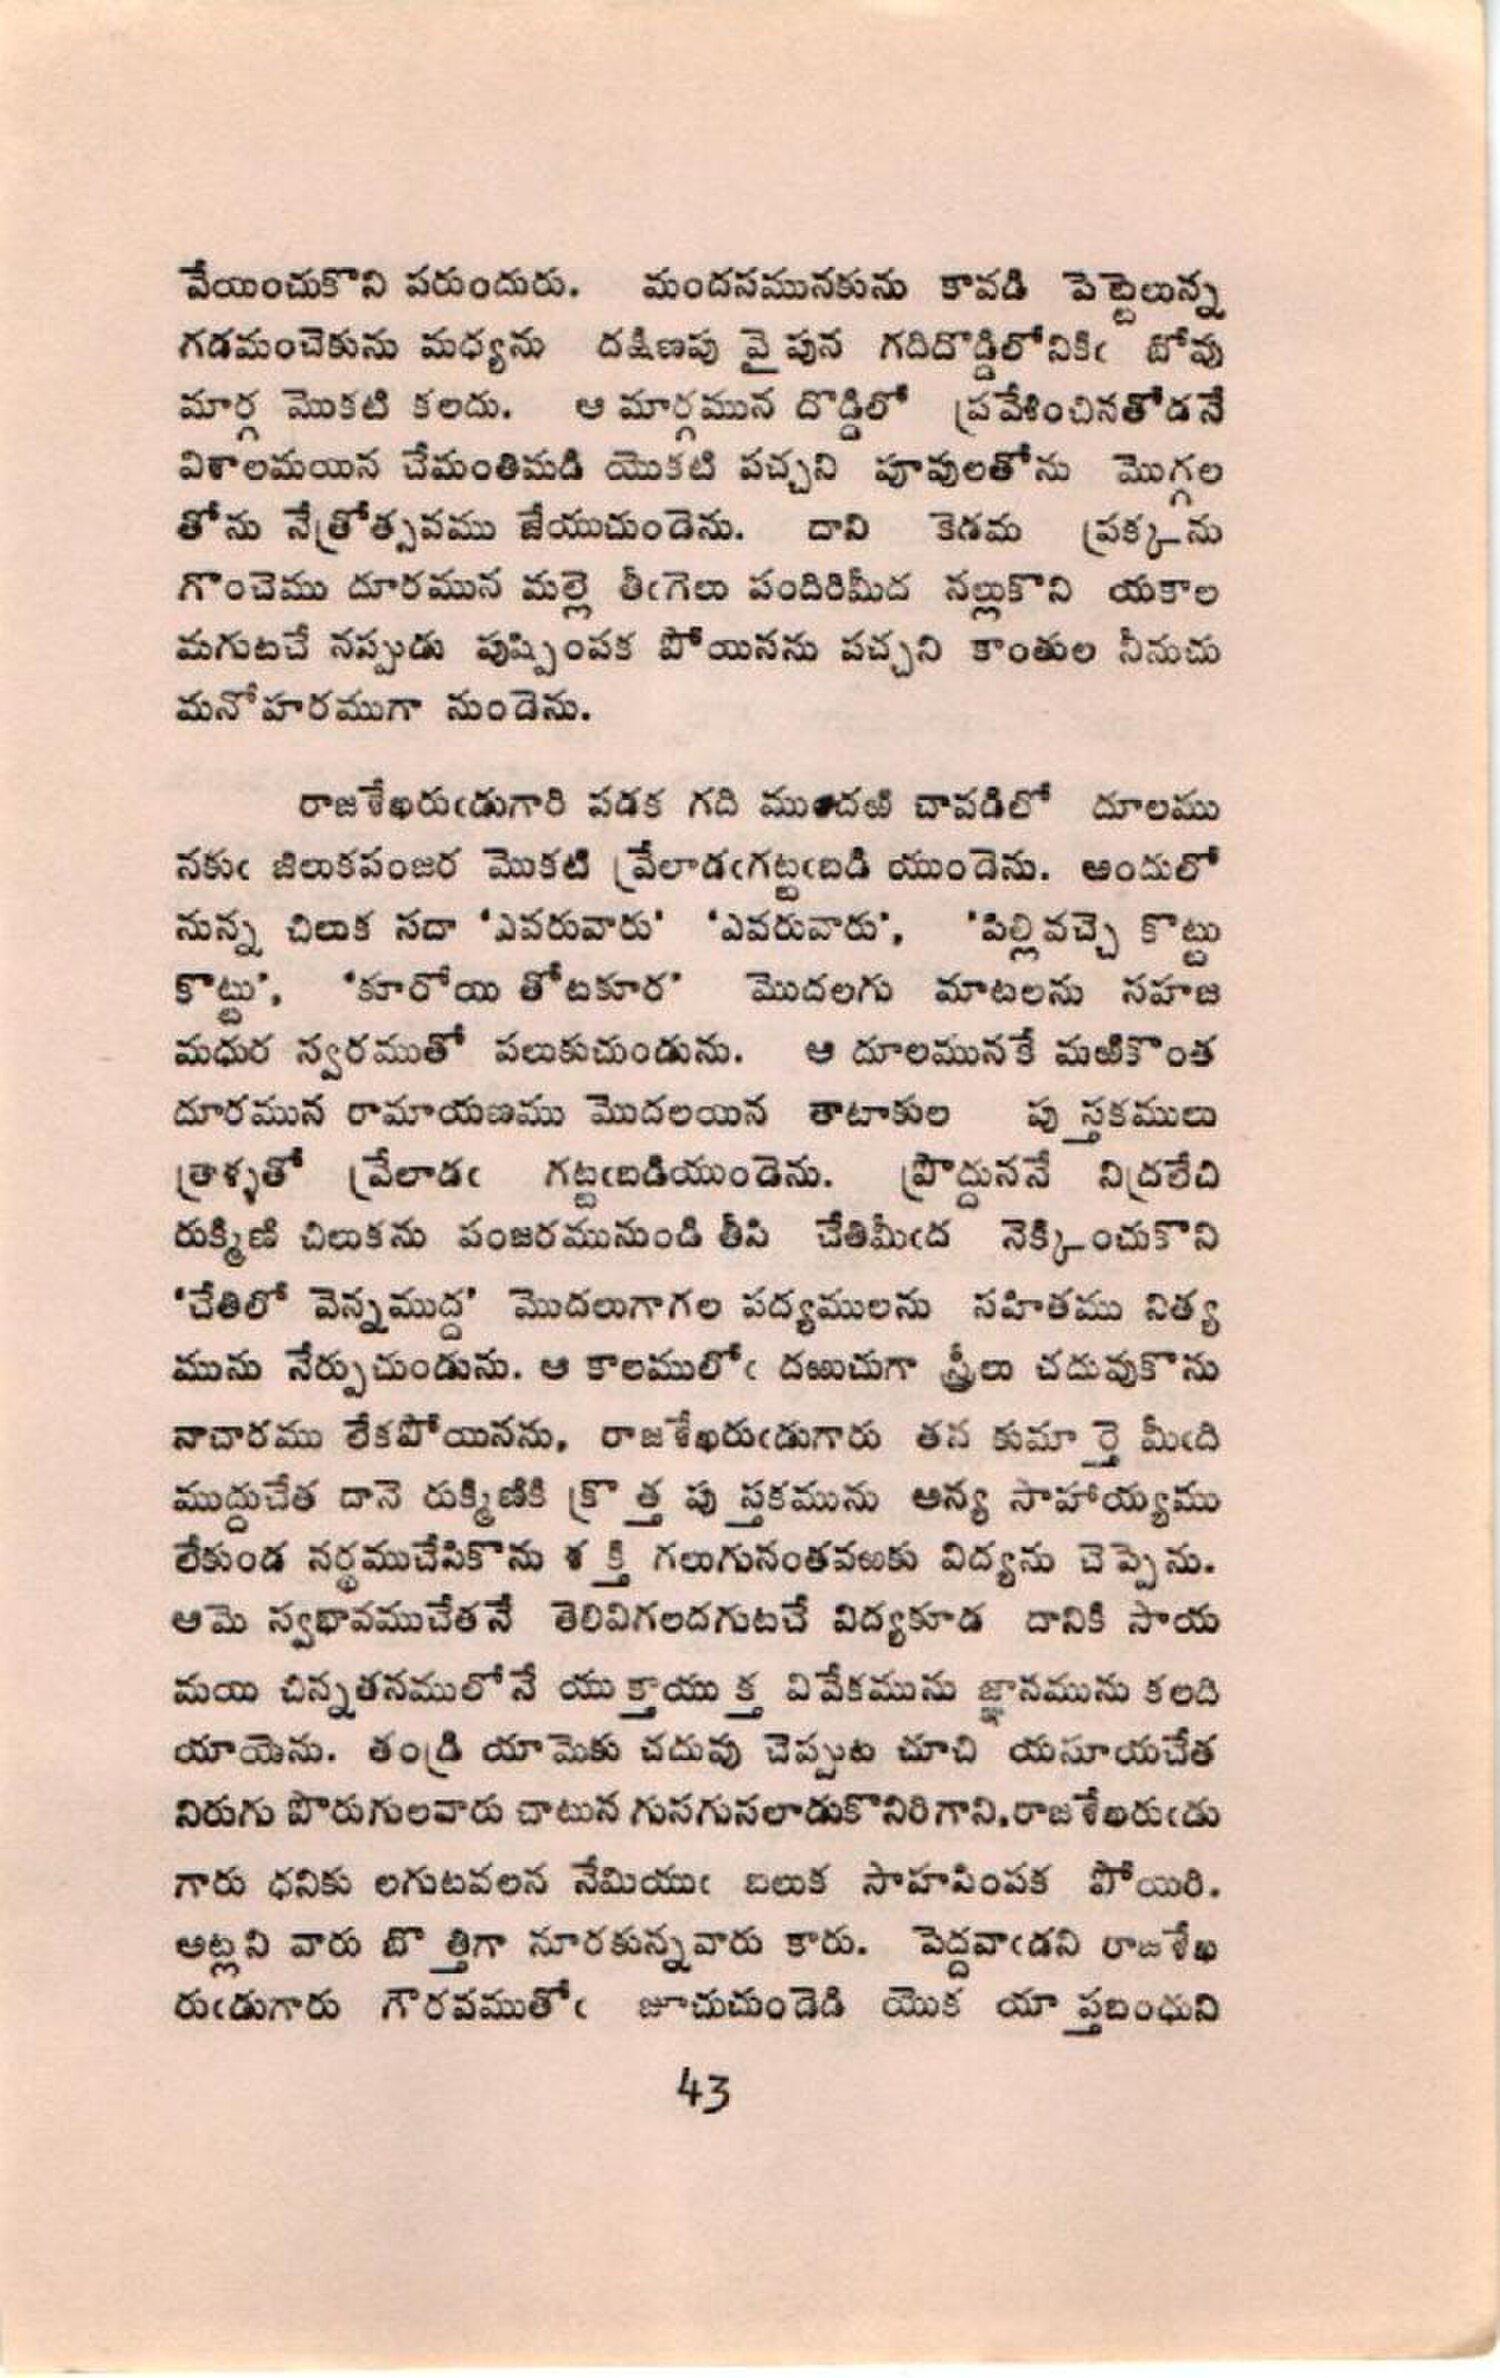వేయించుకొని పరుందురు. మందసమునకును కావడి పెట్టెలున్న గడమంచెకును మధ్యను దక్షిణపు వైపున గదిదొడ్డిలోనికి" బోవు మార్గ మొకటి కలదు. ఆ మార్గమున దొడ్డిలో ప్రవేశించినతోడనే విశాలమయిన చేమంతిమడి యొకటి పచ్చని పూవులతోను మొగ్గల తోను నేత్రోత్సవము జేయుచుండెను. దాని కెడమ ప్రక్కను గొంచెము దూరమున మల్లె తీగలు పందిరిమీద నల్లుకొని యకాల మగుటచే నప్పుడు పుష్పింపక పోయినను పచ్చని కాంతుల నీనుచు మనోహరముగా నుండెను.

రాజశేఖరుడుగారి పడక గది ముందఱి చావడిలో దూలము నకుఁ జిలుకపంజర మొకటి వ్రేలాడఁగట్టఁబడి యుండెను. అందులో నున్న చిలుక సదా "ఎవరువారు" "ఎవరువారు", "పిల్లి వచ్చె కొట్టు కొట్టు", "కూరోయి తోటకూర" మొదలగు మాటలను సహజ మధుర స్వరముతో పలుకుచుండును. ఆ దూలమునకే మఱికొంత దూరమున రామాయణము మొదలయిన తాటాకుల పుస్తకములు త్రాళ్ళతో వ్రేలాడఁ గట్టఁబడియుండెను. ప్రొద్దుననే నిద్రలేచి రుక్మిణి చిలుకను పంజరమునుండి తీసి చేతిమీఁద నెక్కించుకొని "చేతిలో వెన్నముద్ద మొదలుగాగల పద్యములను సహితము నిత్య మును నేర్పుచుండును. ఆ కాలములోఁ దఱుచుగా స్త్రీలు చదువుకొను నాచారము లేకపోయినను, రాజశేఖరుఁడుగారు తన కుమార్తె మీది ముద్దుచేత దానె రుక్మిణికి క్రొత్త పుస్తకమును ఆన్య సాహాయ్యము లేకుండ నర్ధముచేసికొను శక్తి గలుగునంతవఱకు విద్యను చెప్పెను. ఆమె స్వభావముచేతనే తెలివిగలదగుటచే విద్యకూడ దానికి సాయ మయి చిన్నతనములోనే యుక్తాయుక్త వివేకమును జ్ఞానమును కలది యాయెను. తండ్రి యామెకు చదువు చెప్పట చూచి యసూయచేత నిరుగుపొరుగులవారు చాటున గుసగుసలాడుకొనిరిగాని,రాజశేఖరుఁడు గారు ధనికు లగుటవలననేమియు బలుక సాహసింపక పోయిరి. ఆట్లని వారు బొత్తిగా నూరకున్నవారు కారు. పెద్దవాఁడని రాజశేఖ రుఁడుగారు గౌరవముతోఁ జూచుచుండెడి యొక యాప్తబంధుని